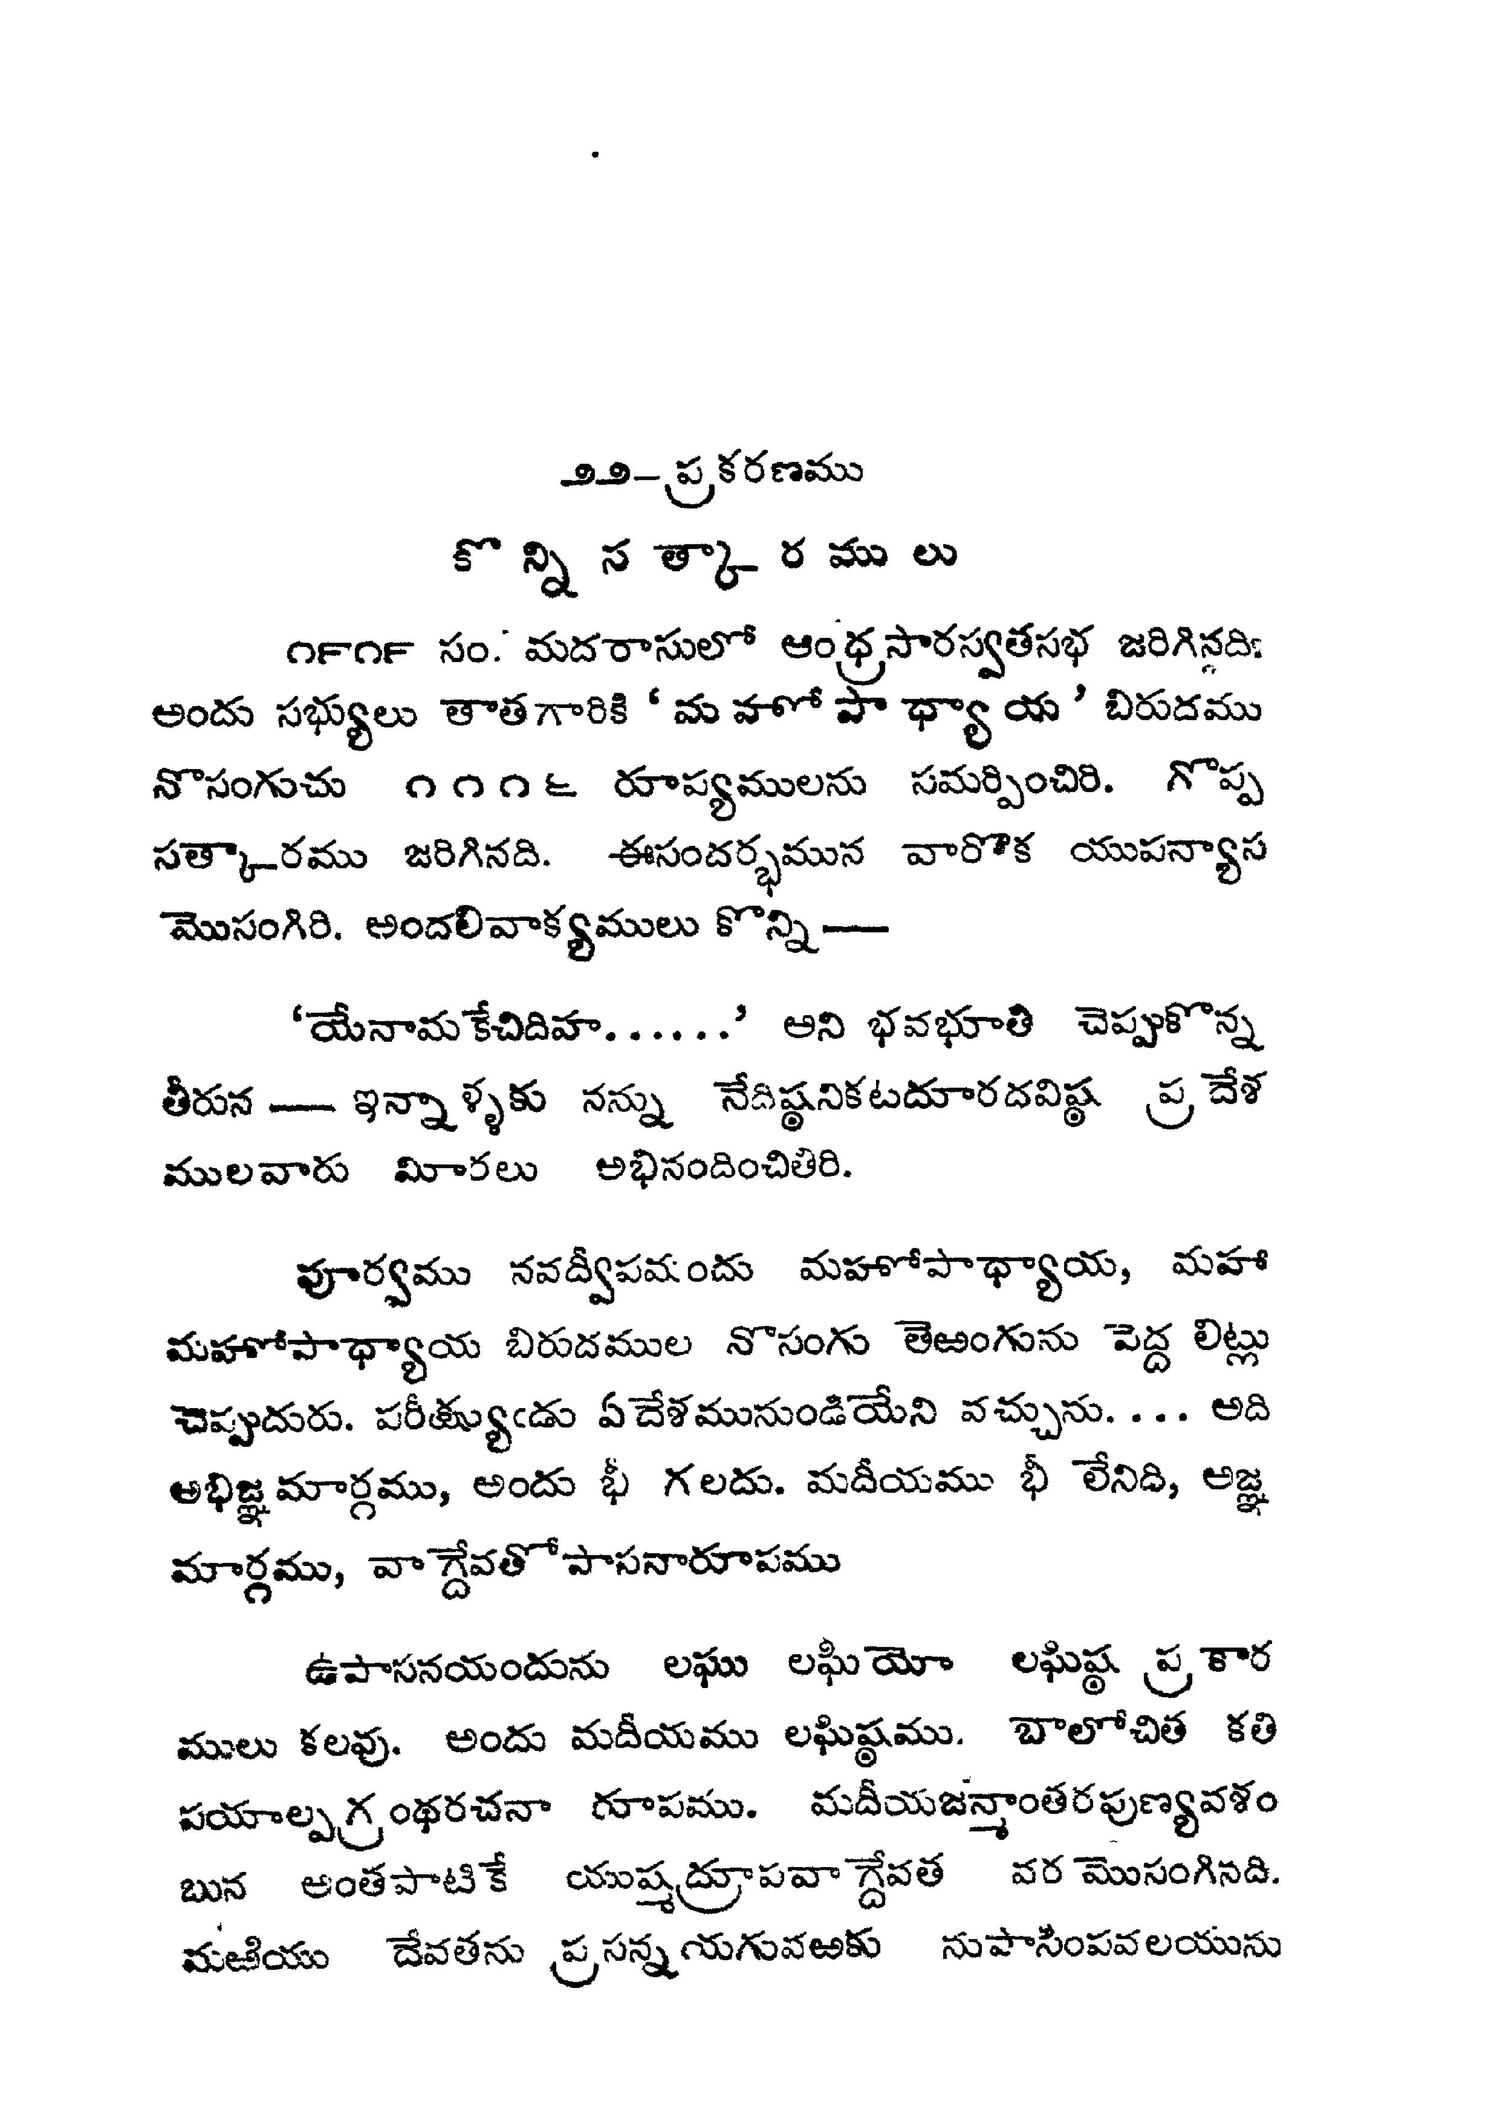1919 సం. మదరాసులో ఆంధ్రసారస్వతసభ జరిగినది. అందు సభ్యులు తాతగారికి 'మహోపాధ్యాయ' బిరుదము నొసంగుచు 1116 రూప్యములను సమర్పించిరి. గొప్ప సత్కారము జరిగినది. ఈసందర్భమున వారొక యుపన్యాస మొసంగిరి. అందలివాక్యముల కొన్ని-

"యేనామకేచిదిహ.......' అని భవభూతి చెప్పుకొన్న తీరున - ఇన్నాళ్ళకు నన్ను నేదిష్ఠనికటదూరదవిష్ఠ ప్రదేశములవారు మీరలు అభినందించితిరి.

పూర్వము నవద్వీపమందు మహోపాథ్యాయ, మహా మహోపాథ్యాయ బిరుదములు నొసంగు తెఱంగును పెద్ద లిట్లు చెప్పుదురు. పరీక్ష్యుడు ఏదేశమునుండియేని వచ్చును.... అది అభిజ్ఞమార్గము, అందు భీ గలదు. మదీయము భీ లేనిది, ఆజ్ఞమార్గము, వాగ్దేవతోపాసనారూపము. 

ఉపాసనయందును లఘు లఘియో లఘిష్ఠ ప్రకారములు కలవు. అందు మదీయము లఘిష్ఠము. బాలోచిత కతిపయాల్పగ్రంథరచనా రూపము. మదీయజన్మాంతరపుణ్యవశంబున అంతపాటికే యుష్మద్రూపవాగ్దేవత వర మొసంగినది. మఱియు దేవతను ప్రసన్నయగువఱకు నుపాసింపవలయును.